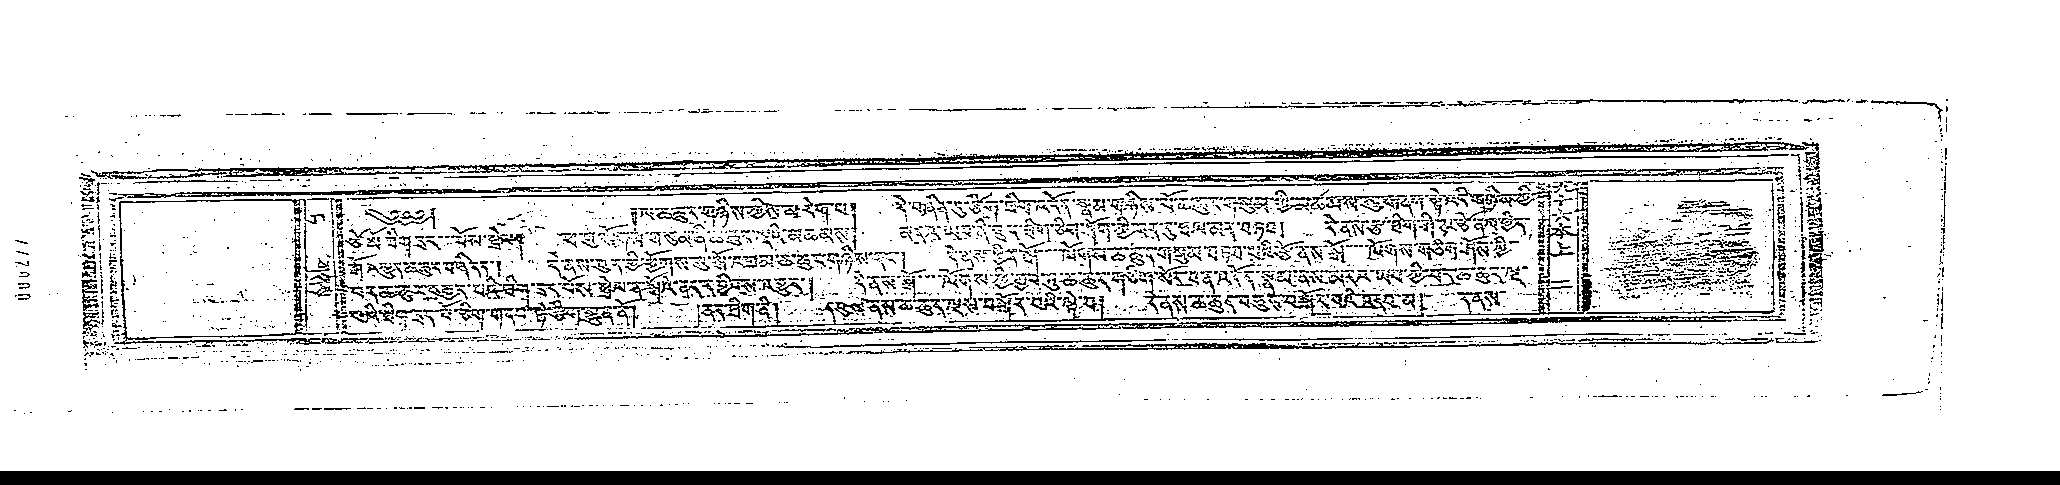༄༅༅། །ལ་ཆ་ཆུང་གཉིས་ཀྱིས་མ་རེག་པ། དེ་བཞིན་དུ་རྩིག་ཐིག་འདོད་སྣམ་གཉིས་པོ་ཆ་ཆུང་གསུམ་གྱི་མཚམས་སུ་བཞག་སྟེ་འདི་གཉིས་ཀྱི་
རྩེ་མོ་ཐིག་དྲང་བོས་སྤྲེལ། ཕ་གུ་སོགས་གསུམ་ནི་ཆ་ཆུང་ལྔའི་མཚམས། མདའ་ཡབ་ནི་ཟུར་ཐིག་ཅིག་ཤོག་ཀྱི་བར་དུ་ཐལ་མར་བཏབ། དེ་ནས་རྩ་ཐིག་གི་ནང་རྩེ་ནས་ཕྱིར་
སྒོ་འཁྱུད་ཆ་ཆུང་བཞི་དང་། དེ་ནས་ཟུར་གྱི་ཕྱོགས་སུ་སྒོ་འགྲམ་ཆ་ཆུང་གཉིས་དང་། དེ་ནས་ཕྱིར་སྒོ་ལོགས་ཆ་ཆུང་གསུམ་བཏབ་པའི་རྩེ་ནས་སྒོ་ལོགས་གཅིག་ཤོས་ཀྱི་
བར་ཆ་ཆུང་བརྒྱད་པའི་ཐིག་དྲང་བོས་སྦྲོལ་ན་སྒོའི་ནང་དབྱིབས་འབྱུང་། དེ་ནས་སྒོ་ལོགས་ཀྱི་རྒྱབ་ཏུ་ཆ་ཆུང་གཅིག་སོང་བ་ན་འདོད་སྣམ་ནས་མངའ་ཡབ་ཀྱི་བར་ཆ་ཆུང་ལྔ་
བའི་ཐིག་དྲང་པོ་ཅིག་གདབ་སྟེ་རྩིག་རྒྱུན་ནོ། །ནང་ཐིག་ནི། དབུས་ནས་ཆ་ཆུང་ལྡས་བསྐོར་བའི་ལྟེ་བ། དེ་ནས་ཆ་ཆུང་བཅུས་བསྐོར་བའི་བདབ་མ། དེ་ནས་